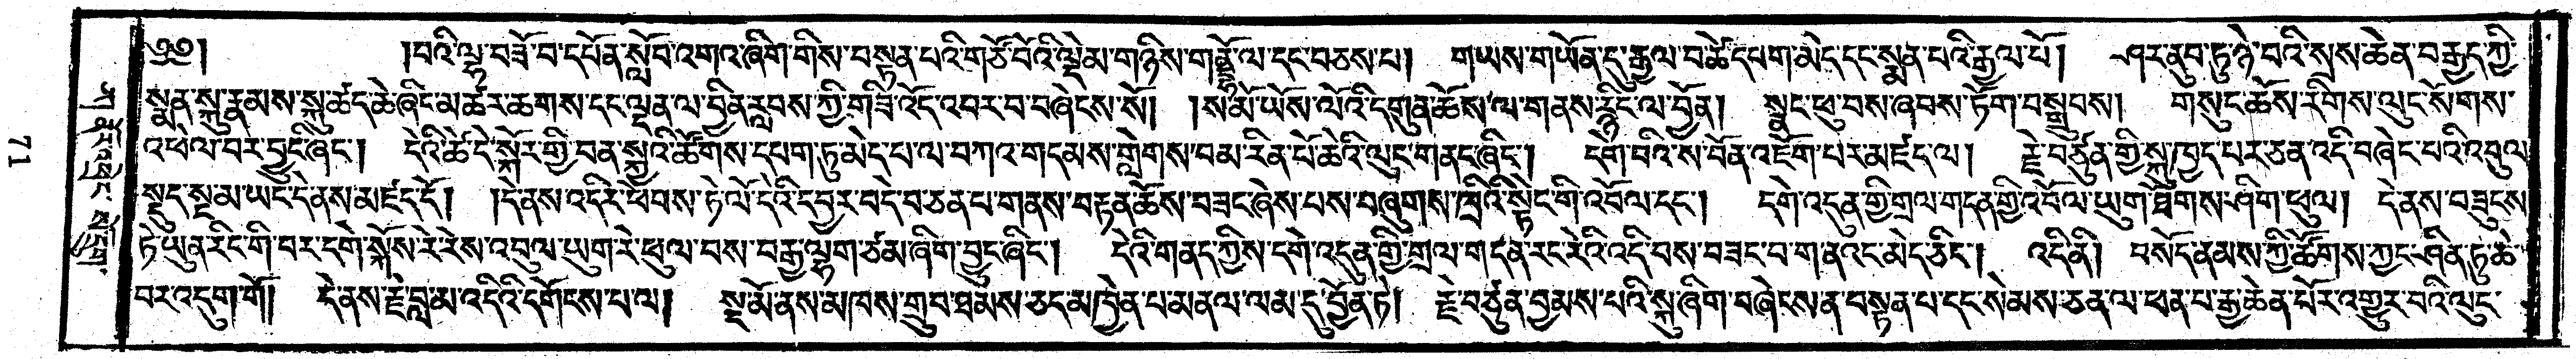༄༅། །བའི་ལྷ་བཟོ་བ་དཔོན་སློབ་འགའ་ཞིག་གིས་བསྟན་པའི་གཙོ་བོའི་ལྡེམ་གཉིས་གནྡྷོ་ལ་དང་བཅས་པ། གཡས་གཡོན་དུ་རྒྱལ་བ་ཚེ་དཔག་མེད་དང་སྨན་པའི་རྒྱལ་པོ། ཤར་ནུབ་ཏུ་ཉེ་བའི་སྲས་ཆེན་བརྒྱད་ཀྱི་
སྨན་སྐུ་རྣམས་སྐུ་ཚད་ཆེ་ཞིང་མཚར་ཆགས་དང་ལྡན་ལ་བྱིན་རླབས་ཀྱི་གཟི་འོད་འབར་བ་བཞེངས་སོ། །ས་མོ་ཡོས་ལོའི་དགུན་ཆོས་ལ་གནས་རྙིང་ལ་བྱོན། སྣང་ཕུ་བས་ཞབས་ཏོག་བསྒྲུབས། གསུང་ཆོས་རིགས་ལུང་སོགས་
འཕེལ་བར་བྱུང་ཞིང་། དེའི་ཚེ་དེ་སྐོར་གྱི་བན་སྐྱའི་ཚོགས་དཔག་ཏུ་མེད་པ་ལ་བཀའ་གདམས་གླེགས་བམ་རིན་པོ་ཆེའི་ལུང་གནང་ཞིང་། དགེ་བའི་ས་བོན་འཇོག་པར་མཛད་ལ། རྗེ་བཙུན་གྱི་སྐུ་ཁྱད་པར་ཅན་འདི་བཞེང་པའི་འབུལ་
སྡུད་སྔ་མ་ཡང་དེ་ནས་མཛད་དོ། །དེ་ནས་འདིར་ཕེབས་ཏེ་ལོ་དེའི་དབྱར་བདེ་བ་ཅན་པ་གནས་བརྟན་ཆོས་བཟང་ཞེས་པས་བཞུགས་ཁྲིའི་སྟེང་གི་འབོལ་དང་། དགེ་འདུན་གྱི་གྲལ་གདན་གྱི་འབོལ་ཡུག་ཐོགས་ཤིག་ཕུལ། དེ་ནས་བཟུངས་
ཏེ་ཡུན་རིང་གི་བར་དགེ་སྐོས་རེ་རེས་འབུལ་ཡུག་རེ་ཕུལ་བས་བརྒྱ་ལྷག་ཙམ་ཞིག་བྱུང་ཞིང་། དེའི་གནད་ཀྱིས་དགེ་འདུན་གྱི་གྲལ་གདན་རང་རེའི་འདི་བས་བཟང་བ་ག་ནའང་མེད་ཅིང་། འདི་ནི། བསོད་ནམས་ཀྱི་ཚོགས་ཀྱང་ཤིན་ཏུ་ཆེ་
བར་འདུག་གོ། དེ་ནས་རྗེ་བླ་མ་འདིའི་དགོངས་པ་ལ། སྔ་མོ་ནས་མཁས་གྲུབ་ཐམས་ཅད་མཁྱེན་པ་མནལ་ལམ་དུ་བྱོན་ཏེ། རྗེ་བཙུན་བྱམས་པའི་སྐུ་ཞིག་བཞེངས་ན་བསྟན་པ་དང་སེམས་ཅན་ལ་ཕན་པ་རྒྱ་ཆེན་པོར་འགྱུར་བའི་ལུང་